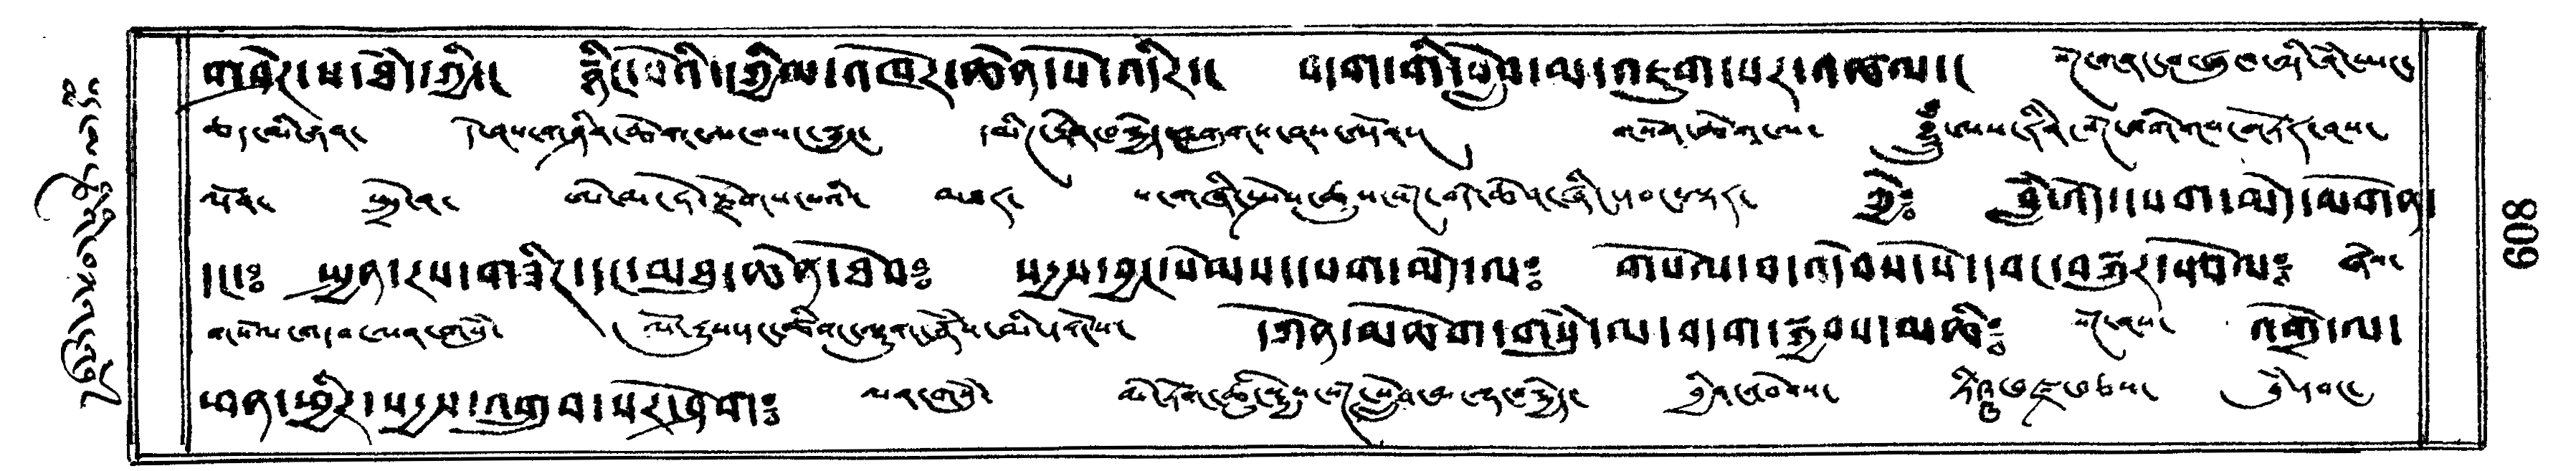གཤེགས་པ་ཐམས་ཅད་ཀྱི། །སྙིང་པོའི་དཀྱིལ་འཁོར་ཆེན་པོ་འདིར། །བདག་གི་སློབ་མ་འཇུག་པར་འཚལ།སོགས་གནང་བ་ཞུ་བ་འདི་ནམ་ཡང་
ཆད་མི་ཉན། དེ་ནས་གཤིན་ཆོག་ལ་བསང་སྦྱང་། དམིགས་རྟེན་བསྐྱེད་འགུགས་ནས་འདོན། གསོན་ཆོག་ལ། བྷྲུྃ་ལས་རིན་ཆེན༴ སོགས་བགེགས་གཏོར་ནས་
འདོན། སྤྲོ་ན། ཨེ་མ་ཧོ༔རྫོགས་པའི༴ མཐར། ས་གཞི་སྤོས་ཚུས༴ སོགས་བདེ་ཆེན་ཞིང་དབང་ལྟར། ཀྱེ༔ བླ་མ་འོད་དཔག་མེད་མགོན་
དང༔ སྤྱན་རས་གཟིགས་དང་མཐུ་ཆེན་ཐོབ༔ སངས་རྒྱས་བྱང་སེམས་དཔག་མེད་ལ༔ གསོལ་བ་འདེབས་སོ་དབང་བསྐུར་སྩོལ༔ ཞེས་
གསོལ་འདེབས་ལན་གསུམ། ལོ་རྒྱུས་དང་ཚིག་ལྷུག་རྣམས་མི་དགོས། དཀོན་མཆོག་གསུམ་ལ་བདག་སྐྱབས་མཆི༔ སོགས་ནས། འགྲོ་ལ་
ཕན་ཕྱིར་སངས་རྒྱས་འགྲུབ་པར་ཤོག༔ ལན་གསུམ། མེ་ཏོག་ཆུ་སྐྱེས༴ སོགས་སློབ་མ་ལྷ་བསྐྱེད། བྱིན་འབེབས། ཏིཥྛ་བཛྲ། བཅས། བུམ་དབང་།